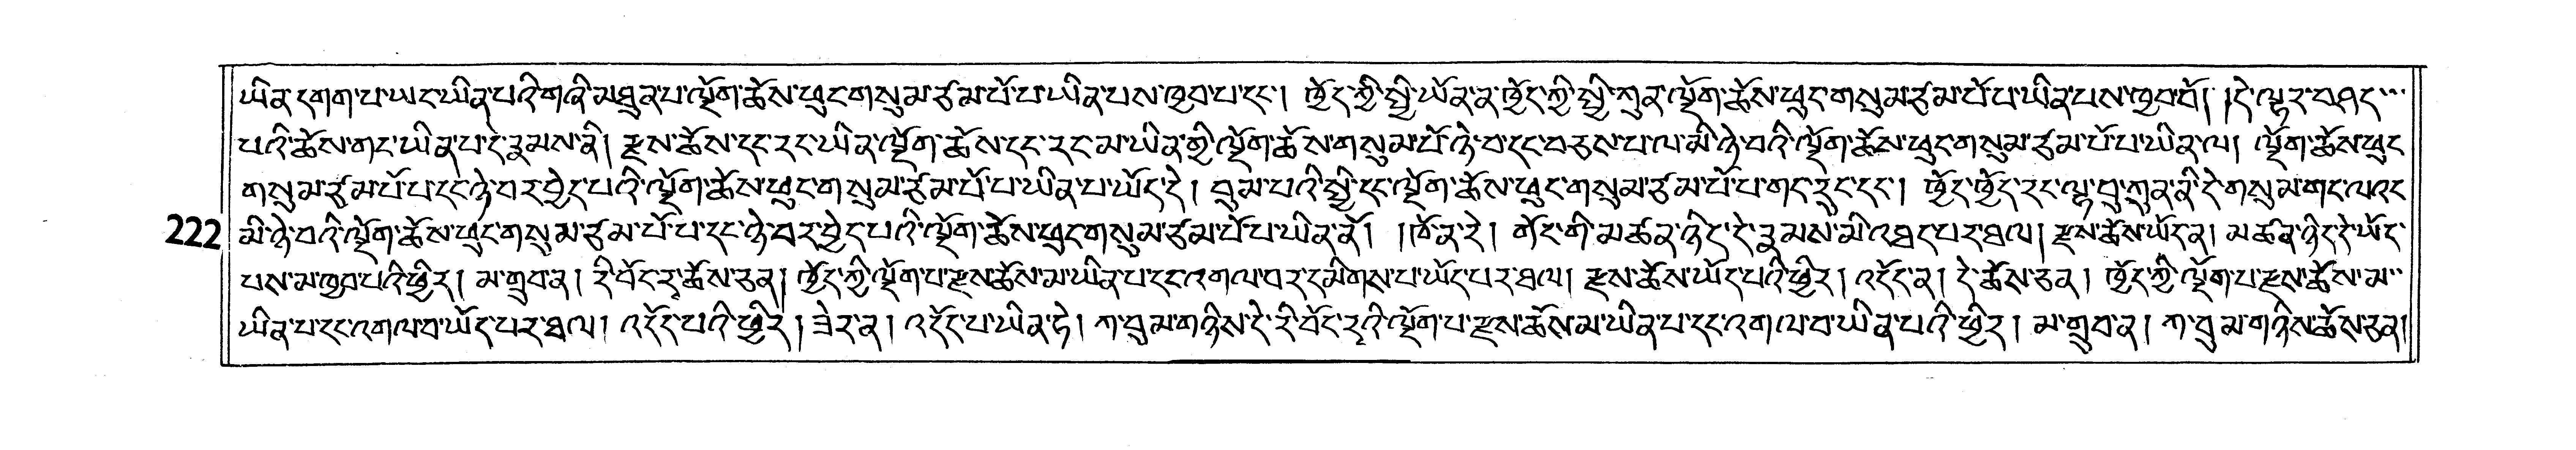ཡིན་དགག་པ་ཡང་ཡིན་པའི་གཞི་མཐུན་པ་ལྡོག་ཆོས་ཕུང་གསུམ་ཙམ་པོ་པ་ཡིན་པས་ཁྱབ་པ་དང་། ཁྱོད་ཀྱི་སྤྱི་ཡོན་ན་ཁྱོད་ཀྱི་སྤྱི་ཀུན་ལྡོག་ཆོས་ཕུང་གསུམ་ཙམ་པོ་པ་ཡིན་པས་ཁྱབ་བོ། །དེ་ལྟར་བཤད་
པའི་ཆོས་གང་ཡིན་པ་དེ་རྣམས་ནི། རྫས་ཆོས་དང་རང་ཡིན་ལྡོག་ཆོས་དང་རང་མ་ཡིན་གྱི་ལྡོག་ཆོས་གསུམ་པོ་ཉེ་བ་དང་བཅས་པ་ལ་མི་ཉེ་བའི་ལྡོག་ཆོས་ཕུང་གསུམ་ཙམ་པོ་པ་ཡིན་ལ། ལྡོག་ཆོས་ཕུང་
གསུམ་ཙམ་པོ་པ་དང་ཉེ་བར་བྱེད་པའི་ལྡོག་ཆོས་ཕུང་གསུམ་ཙམ་པོ་པ་ཡིན་པ་ཡོད་དེ། བུམ་པའི་སྤྱི་དང་ལྡོག་ཆོས་ཕུང་གསུམ་ཙམ་པོ་པ་གང་རུང་དང་། ཁྱོད་ཁྱོད་རང་ལྟ་བུ་ཀུན་ནི་དེ་གསུམ་གང་ལའང་
མི་ཉེ་བའི་ལྡོག་ཆོས་ཕུང་གསུམ་ཙམ་པོ་པ་དང་ཉེ་བར་བྱེད་པའི་ལྡོག་ཆོས་ཕུང་གསུམ་ཙམ་པོ་པ་ཡིན་ནོ། །ཁོ་ན་རེ། གོང་གི་མཚན་ཉིད་དེ་རྣམས་མི་འཐད་པར་ཐལ། རྫས་ཆོས་ཡོད་ན། མཚན་ཉིད་དེ་ཡོད་
པས་མ་ཁྱབ་པའི་ཕྱིར། མ་གྲུབ་ན། རི་བོང་རྭ་ཆོས་ཅན། ཁྱོད་ཀྱི་ལྡོག་པ་རྫས་ཆོས་མ་ཡིན་པ་དང་འགལ་བར་དམིགས་པ་ཡོད་པར་ཐལ། རྫས་ཆོས་ཡོད་པའི་ཕྱིར། འདོད་ན། དེ་ཆོས་ཅན། ཁྱོད་ཀྱི་ལྡོག་པ་རྫས་ཆོས་མ་
ཡིན་པ་དང་འགལ་བ་ཡོད་པར་ཐལ། འདོད་པའི་ཕྱིར། ཟེར་ན། འདོད་པ་ཡིན་ཏེ། ཀ་བུམ་གཉིས་དེ་རི་བོང་རྭའི་ལྡོག་པ་རྫས་ཆོས་མ་ཡིན་པ་དང་འགལ་བ་ཡིན་པའི་ཕྱིར། མ་གྲུབ་ན། ཀ་བུམ་གཉིས་ཆོས་ཅན།